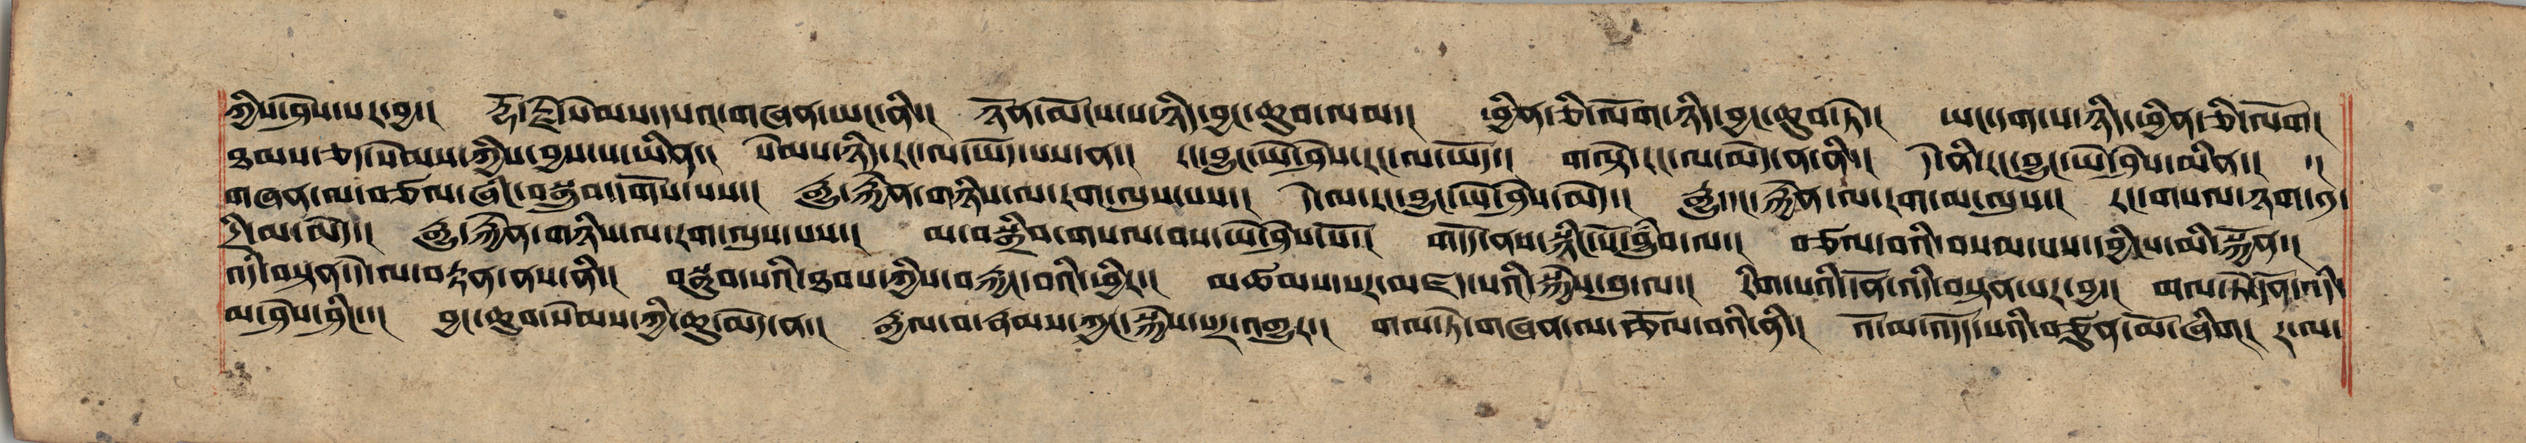ཀྱིས་ཤེས་པར་བྱ་། རྡོ་རྗེ་སེམས་དཔའ་གཞན་ཡང་ནི་། ཉོན་མོངས་པ་ཉིད་བྱ་ཆུབ་ལམ་། ཕྱིན་ཅི་ལོག་ཉིད་བྱང་ཆུབ་ཏེ་། ཡང་དག་པ་ཉིད་ཕྱིན་ཅི་ལོག་།
ཐམས་ཅད་སེམས་ཀྱིས་བྱས་པ་ཡིན་། སེམས་ཉིད་རང་ལ་ཡོད་པས་ན་། རང་བྱུང་ཡེ་ཤེས་རང་ལ་ཡོད་། གལྟེ་རང་ལ་མེད་ན་ནི་། དེ་ནི་རང་བྱུང་ཡཻ་ཤེས་མིན་། ་།
གཞན་མ་བཙལ་ཞིང་བསྒྲུབ་དགོས་པས་། རྒྱུ་རྐྱེན་གཉིས་ལ་རག་ལུས་པས་། དེ་ལ་རང་བྱུང་ཡེ་ཤེས་མེད་། རྒྱུ་དང་རྐྱེན་ལ་རག་་མ་ལུས་། རང་གསལ་ཉག་༡་
དྲི་མ་མེད་། རྒྱུ་རྐྱེན་གཉིས་ལ་རག་ལུས་པས་། མ་བསྒྲིབ་གསལ་བས་ཡེ་ཤེས་སོ་། གདོད་ནས་སྙིང་པོ་བྱུཾབ་ལ་། བཙལ་བའི་བསམ་པས་དབྱིངས་མི་སྐྱོན་།
འདི་བསྟན་དེ་ལ་བརྟན་ནས་ནི་། བསྒྲུབ་པའི་ཐབ་ཀྱིས་བརྐྱང་བའི་ཕྱིར་། མཚམས་པར་མཛད་པའི་སྐྱེས་བུ་ལ་། རིག་པའི་དོན་འདི་བསྟན་པར་བྱ་། གལ་ཏེ་དོན་འདི་
མ་ཤེས་ཤིང་་། བྱང་ཆུབ་སེམས་ཀྱི་ཆུ་མེད་ན་། རྒྱལ་བ་རྣམས་ཀྱང་སྐྱེས་པར་འགྱུར་། གལ་ཏེ་གཞན་ལ་རྩོལ་བའི་ནི་། འོ་མ་འདོད་པའི་བཙུན་མོ་ཞིག། ར་ལ་